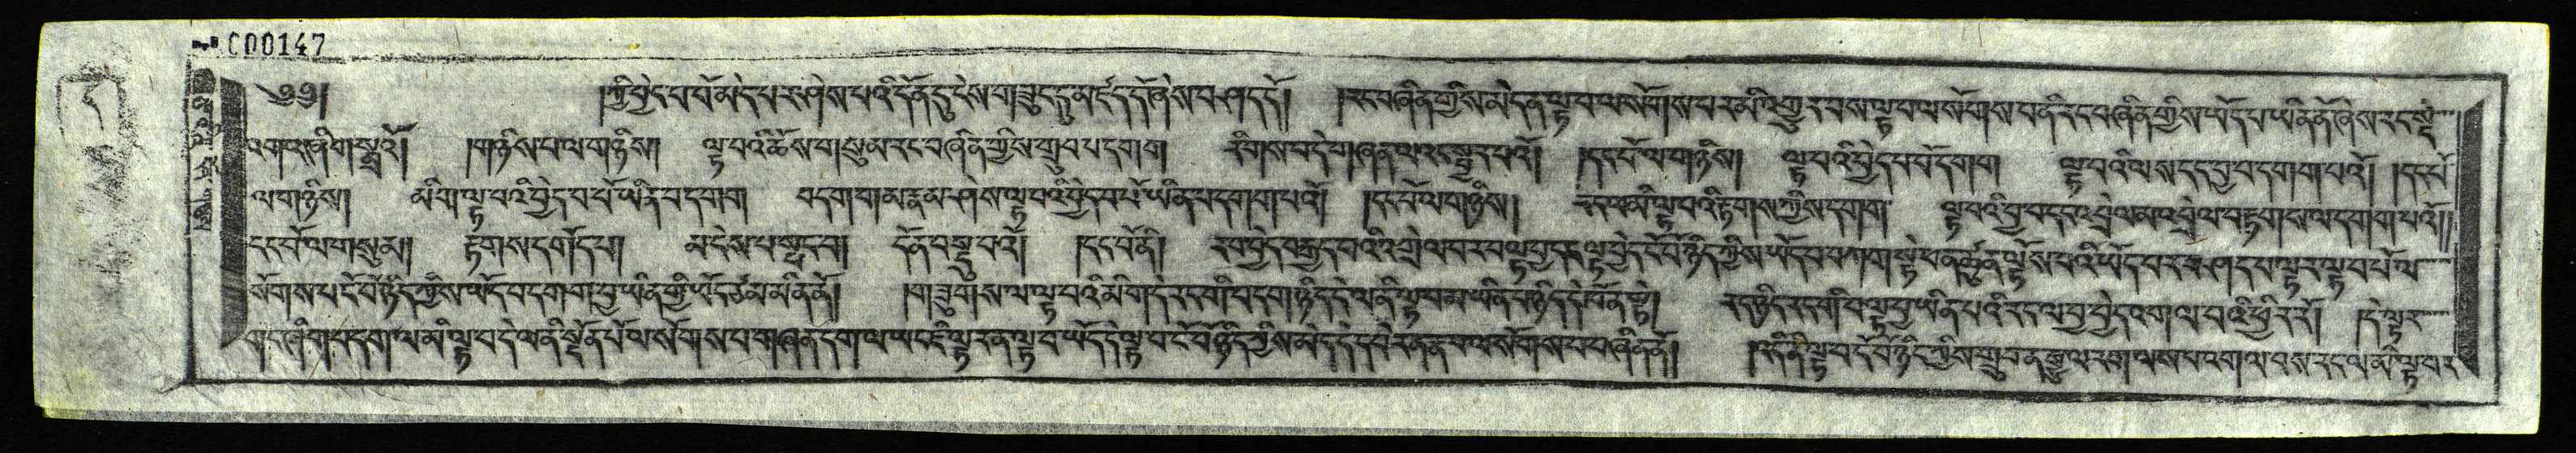༄༅། །ཀྱི་བྱེད་པ་པོ་མེད་པར་ཤེས་པའི་དོན་དུ་ངེས་གཟུང་དུ་མཛད་དོ་ཞེས་བཤད་དོ། །རང་བཞིན་གྱིས་མེད་ན་ལྟ་བ་ལ་སོགས་པར་མི་འགྱུར་བས་ལྟ་བ་ལ་སོགས་པ་ནི་རང་བཞིན་གྱིས་ཡོད་པ་ཡིན་ནོ་ཞེས་རང་སྡེ་
འགའ་ཞིག་སྨྲའོ། །གཉིས་པ་ལ་གཉིས། ལྟ་བའི་ཆོས་གསུམ་རང་བཞིན་གྱིས་གྲུབ་པ་དགག། རིགས་པ་དེ་གཞན་ལའང་སྦྱར་བའོ། །དང་པོ་ལ་གཉིས། ལྟ་བའི་བྱེད་པ་པོ་དགག་ལྟ་བའི་ལས་དང་བྱ་བ་དགག་པའོ། །དང་པོ་
ལ་གཉིས། མིག་ལྟ་བའི་བྱེད་པ་པོ་ཡིན་པ་དགག་བདག་གམ་རྣམ་ཤེས་ལྟ་བའི་བྱེད་པ་པོ་ཡིན་པ་དགག་པའོ། །དང་པོ་ལ་གཉིས། རང་ལ་མི་ལྟ་བའི་རྟགས་ཀྱིས་དགག་ལྟ་བའི་བྱ་བ་དང་འབྲེལ་མ་འབྲེལ་བརྟགས་ལ་དགག་པའོ།།
དང་པོ་ལ་གསུམ། རྟགས་དགོད་པ། མ་ངེས་པ་སྤང་བ། དོན་བསྡུ་བའོ། །དང་པོ་ནི། རབ་བྱེད་བརྒྱད་པའི་འགྲེལ་བར་བལྟ་བྱ་དང་ལྟ་བྱེད་ངོ་བོ་ཉིད་ཀྱིས་ཡོད་པ་བཀག་སྟེ་ཕན་ཚུན་ལྟོས་པའི་ཡོད་པར་བཤད་པ་ལྟར་ལྟ་བ་པོ་ལ་
སོགས་པ་ངོ་བོ་ཉིད་ཀྱིས་ཡོད་པ་དགག་བྱ་ཡིན་གྱི་ཡོད་ཙམ་མིན་ནོ། །གཟུགས་ལ་ལྟ་བའི་མིག་དེ་རང་གི་བདག་ཉིད་དེ་ལ་ནི་ལྟ་བ་མ་ཡིན་པ་ཉིད་དེ་ཁོ་ན་སྟེ། རང་ཉིད་རང་གི་བལྟ་བྱ་ཡིན་པའི་རང་ལ་བྱ་བྱེད་འགལ་བའི་ཕྱིར་རོ། །དེ་ལྟར་
གང་ཞིག་བདག་ལ་མི་ལྟ་བ་དེ་ལ་ནི་སྔོན་པོ་ལ་སོགས་པ་གཞན་དག་ལ་ཡང་ཇི་ལྟར་ན་ལྟ་བ་ཡོད་དེ་ལྟ་བ་ངོ་བོ་ཉིད་ཀྱིས་མེད་དེ་དཔེར་ན་རྣ་བ་ལ་སོགས་པ་བཞིན་ནོ། །འདི་ནི་ལྟ་བ་ངོ་བོ་ཉིད་ཀྱིས་གྲུབ་ན་རྒྱུ་ལ་རག་ལས་པ་འགལ་བས་རང་ལ་མི་ལྟ་བར་